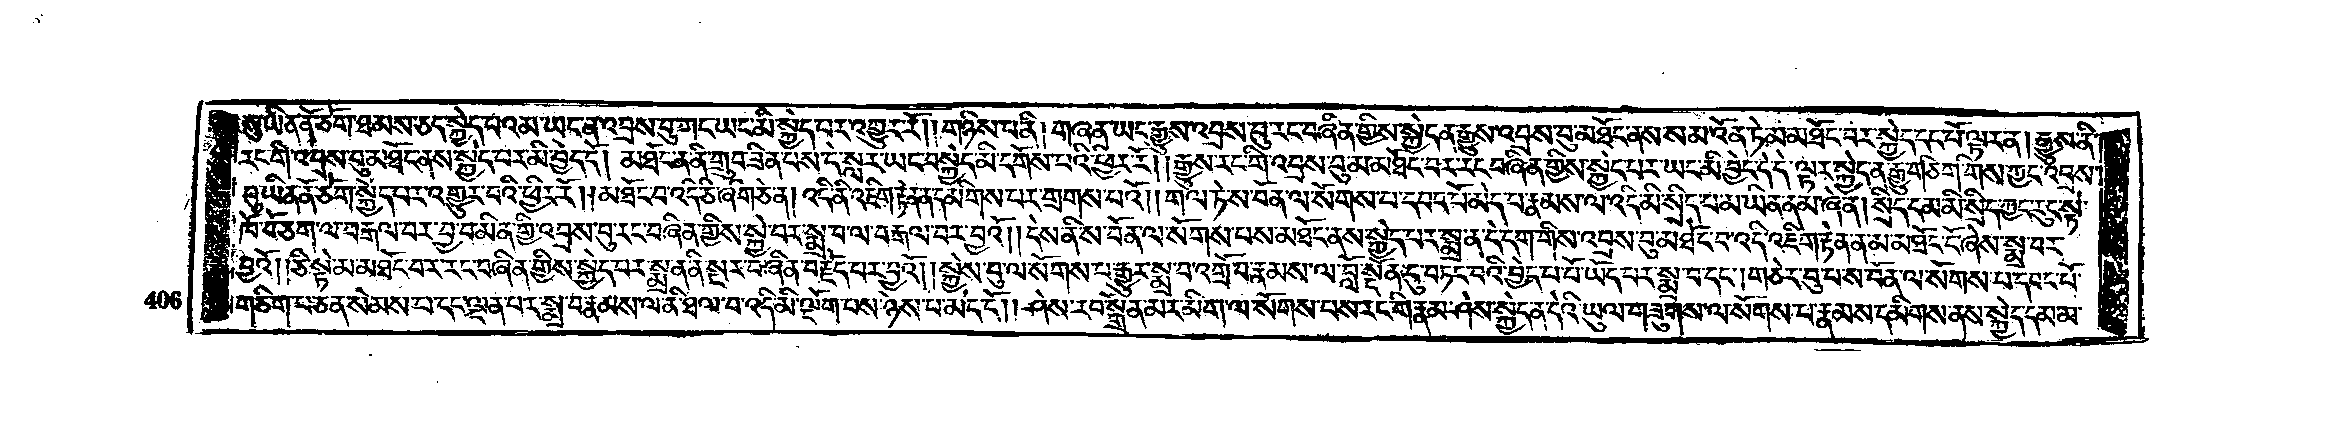བུ་ཡིན་ནོ་ཅོག་ཐམས་ཅད་སྐྱེད་པའམ་ཡང་ན་འབྲས་བུ་གང་ཡང་མི་སྐྱེད་པར་འགྱུར་རོ། །གཉིས་པ་ནི། གཞན་ཡང་རྒྱུས་འབྲས་བུ་རང་བཞིན་གྱིས་སྐྱེད་ན་རྒྱུས་འབྲས་བུ་མཐོང་ནས་སམ་འོན་ཏེ་མ་མཐོང་པར་སྐྱེད་དང་པོ་ལྟར་ན། རྒྱུས་ནི་
རང་གི་འབྲས་བུ་མཐོང་ནས་སྐྱེད་པར་མི་བྱེད་དེ། མཐོང་ན་ནི་གྲུབ་ཟིན་པས་དེ་སླར་ཡང་བསྐྱེད་མི་དགོས་པའི་ཕྱིར་རོ། །རྒྱུས་རང་གི་འབྲས་བུ་མ་མཐོང་པར་རང་བཞིན་གྱིས་སྐྱེད་པར་ཡང་མི་བྱེད་དེ་དེ་ལྟར་སྱྐེད་ན་རྒྱུ་གཅིག་གིས་ཀྱང་འབྲས་
བུ་ཡིན་ནོ་ཅོག་སྐྱེད་པར་འགྱུར་བའི་ཕྱིར་རོ། །མཐོང་བ་འདི་ཅི་ཞིག་ཅེ་ན། འདི་ནི་འཇིག་རྟེན་ན་དམིགས་པར་གྲགས་པའོ། །གལ་ཏེ་ས་བོན་ལ་སོགས་པ་དབང་པོ་མེད་པ་རྣམས་ལ་འདི་མི་སྲིད་པ་མ་ཡིན་ནམ་ཞེ་ན། སྲིད་དམ་མི་སྲིད་ཀྱང་རུང་སྟེ་
ཁོ་བོ་ཅག་ལ་བརྒལ་བར་བྱ་བ་མིན་གྱི་འབྲས་བུ་རང་བཞིན་གྱིས་སྐྱེད་པར་སྨྲ་བ་ལ་བརྒལ་བར་བྱའོ། །དེས་ནི་ས་བོན་ལ་སོགས་པས་མཐོང་ནས་སྐྱེད་པར་སྨན་དེ་དག་གིས་འབྲས་བུ་མཐོང་བ་འདི་འ་ཇིག་རྟེན་ན་མ་མཐོང་ངོ་ཞེས་སྨྲ་བར་
བྱའོ། །ཅི་སྟེ་མ་མཐོང་བར་རང་བཞིན་གྱིས་སྐྱེད་པར་སྨྲན་ནི་སྔར་བཞིན་བརྗོད་པར་བྱའོ། །སྐྱེས་བུ་ལ་སོགས་པ་རྒྱུར་སྨྲ་བ་འགྲོ་བ་རྣམས་ལ་བློ་སྔོན་དུ་བཏང་བའི་བྱེད་པ་པོ་ཡོད་པར་སྨྲ་བ་དང་། གཅེར་བུ་པ་ས་བོན་ལ་སོགས་པ་དབང་པོ་
གཅིག་པ་ཅན་སེམས་པ་དང་ལྡན་པར་སྨྲ་བ་རྣམས་ལ་ནི་ཐལ་བ་འདི་མི་ལྡོག་པས་ཉེས་པ་མེད་དོ། །ཤེས་རབ་སྒྲོན་མར་མིག་ལ་སོགས་པས་རང་གི་རྣམ་ཤེས་སྐྱེད་ན་དེའི་ཡུལ་གཟུགས་ལ་སོགས་པ་རྣམས་དམིགས་ན་སྐྱེད་དམ་མ་